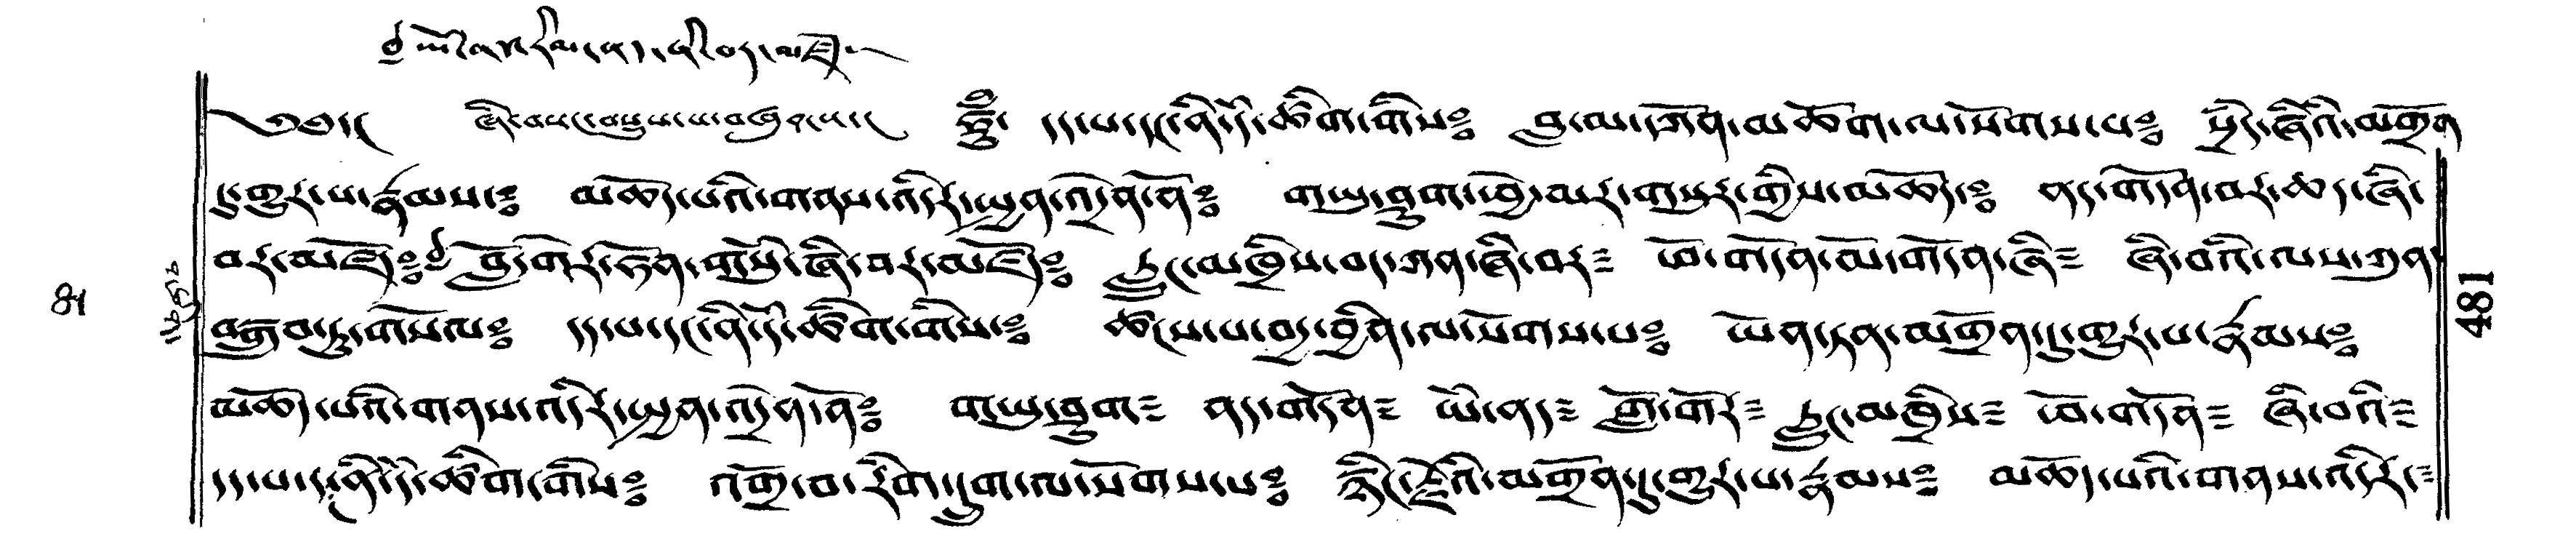༄༅། ཞི་བསང་བསྡུས་པ་བཞུགས། ཧཱུྃ༔ དད་པ་དང་ནི་དམ་ཚིག་གིས༔ བླ་མ་དཀོན་མཆོག་ལ་སོགས་པ༔ སྲིད་ཞུའི་མགྲོན་
དུ་གྱུར་པ་རྣམས༔ མཆོད་པའི་གནས་འདིར་སྤྱན་འདྲེན་ནོ༔ གཡུ་ཤུག་ཕྱེ་མར་གསུར་གྱིས་མཆོད༔ ནད་གདོན་བར་ཆད་ཞི་
བར་མཛོད༔ ཡམས་ནད་རིམས་ནད་ཞི་བར་མཛོད༔ བློ་གོར་ཧོན་གསུམ་ཞི་བར་མཛོད༔ རླུང་མཁྲིས་བད་ཀན་ཞི་བར་མཛོད༴ ཕོ་གདོན་མོ་གདོན་ཞི་བར་མཛོད༴ ཞི་བའི་ལས་ཀུན་
བསྒྲུབ་ཏུ་གསོལ༔ དད་པ་དང་ནི་དམ་ཚིག་གིས༔ ཚངས་པ་བརྒྱ་བྱིན་ལ་སོགས་པ༔ ཡོན་ཏན་མགྲོན་དུ་གྱུར་པ་རྣམས༔ 
མཆོད་པའི་གནས་འདིར་སྤྱན་འདྲེན་ནོ༔ གཡུ་ཤུག༴ ནད་གདོན༴ ཡམས་ནད༴ གློ་གོར༴ རླུང་མཁྲིས༴ ཕོ་གདོན༴ ཞི་བའི༴ 
དད་པ་དག་ནི་དམ་ཚིག་གིས༔ འགྲོ་བ་རིགས་དྲུག་ལ་སོགས་པ༔སྙིང་རྗེའི་མགྲོན་དུ་གྱུར་པ་རྣམས༔ མཆོད་པའི་གནས་འདིར༴